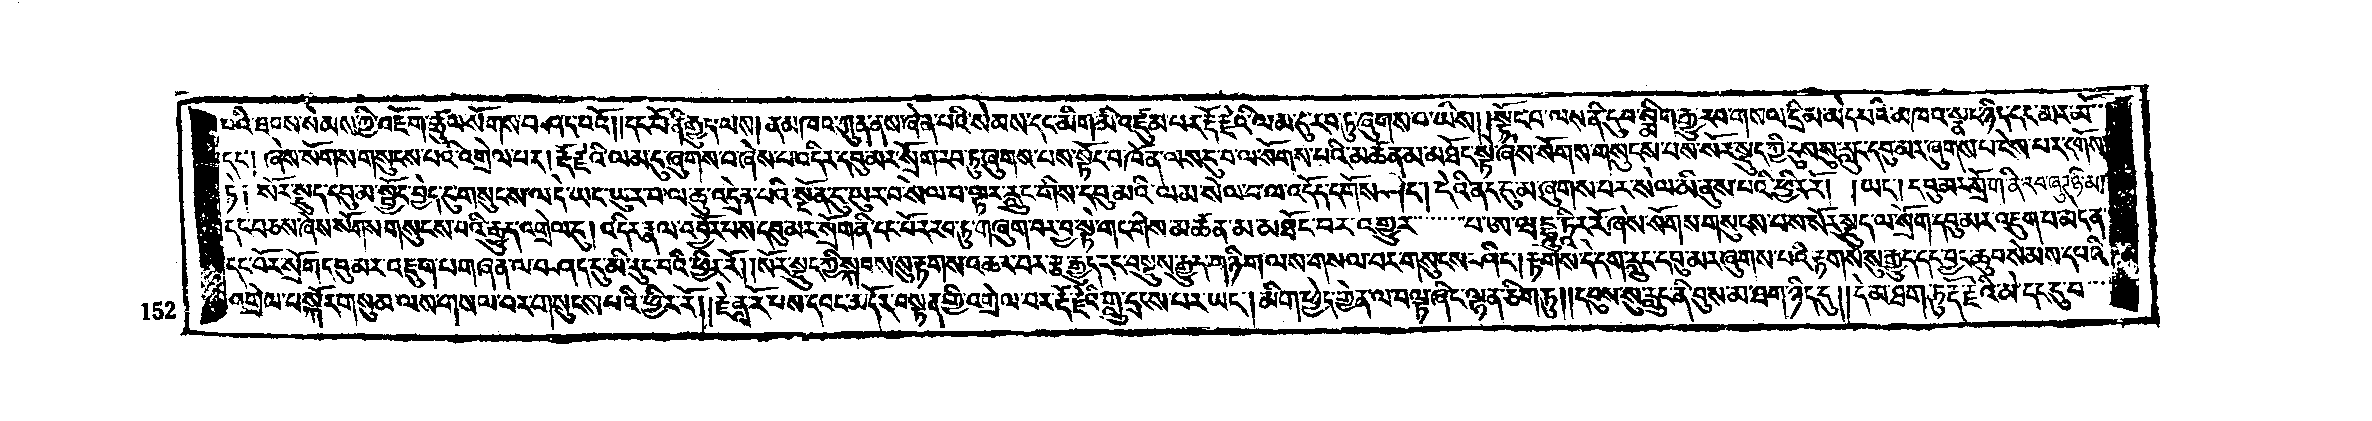པའི་ཐབས་སེམས་ཀྱི་འཇོག་ཚུལ་སོགས་བཤད་པའོ། །དང་པོ་ནི་རྒྱུད་ལས། ནམ་མཁའ་ཀུན་ནས་ཞེན་པའི་སེམས་དང་མིག་མི་འཛུམ་པར་རྡོ་རྗེའི་ལམ་དུ་རབ་ཏུ་ཞུགས་པ་ཡིས། །སྟོང་པ་ལས་ནི་དུ་བ་སྨིག་རྒྱུ་རབ་གསལ་དྲི་མ་མེད་པའི་མཁའ་སྣང་ཉིད་དང་མར་མོ་
དང་། ཞེས་སོགས་གསུངས་པའི་འགྲེལ་པར། རྡོ་རྗེའི་ལམ་དུ་ཞུགས་པ་ཞེས་པ་འདིར་དབུ་མར་སྲོག་རབ་ཏུ་ཞུགས་པས་སྟོང་པ་ཁོ་ན་ལས་དུ་བ་ལ་སོགས་པའི་མཚོན་མ་མཐོང་སྟེ་ཞེས་སོགས་གསུངས་པས་སོར་སྡུད་ཀྱི་དུས་སུ་རླུང་དབུ་མར་ཞུགས་པ་ངེས་པར་དགོས་
ཏེ། སོར་སྡུད་དབུ་མ་སྦྱོང་བྱེད་དུ་གསུངས་ལ་དེ་ཡང་ཡུར་བ་ལ་ཆུ་འདྲེན་པའི་སྔོན་དུ་ཡུར་བ་སེལ་བ་ལྟར་རླུང་གིས་དབུ་མའི་ལམ་སེལ་བ་ལ་འདོད་དགོས་ཤེང་། དེའི་ནང་དུ་མ་ཞུགས་པར་སེལ་མི་ནུས་པའི་ཕྱིར་རོ། །ཡང་། དབུ་མར་སྲོག་ནི་རབ་ཞུགས་ཉི་མ་
དང་བཅས་ཞེས་སོགས་གསུངས་པའི་རྒྱུད་འགྲེལ་དུ། འདིར་རྣལ་འབྱོར་པས་དབུ་མར་སྲོག་ནི་དང་པོར་རབ་ཏུ་གཞུག་པར་བྱ་སྟེ་གང་གིས་མཚན་མ་མཐོང་བར་འགྱུར་བ་ཨ་ཝ་དྷཱུ་ཏིའིར་རོ་ཞེས་སོགས་གསུངས་པས་སོར་སྡུད་ལ་སྲོག་དབུ་མར་འཇུག་པ་མེད་ན་
དང་པོར་སྲོག་དབུ་མར་འཇུག་པ་གཞན་ལ་བཤད་དུ་མི་རུང་བའི་ཕྱིར་རོ། །སོར་སྡུད་ཀྱི་སྐབས་སུ་རྟགས་འཆར་བར་རྩ་རྒྱུད་དང་བསྡུས་རྒྱུད་གཉི་ག་ལས་གསལ་བར་གསུངས་ཤིང་། རྟགས་དེ་དག་རླུང་དབུ་མར་ཞུགས་པའི་རྟགས་སུ་རྒྱུད་དང་བྱང་ཆུབ་སེམས་དཔའི་
འགྲེལ་པ་སྐོར་གསུམ་ལས་གསལ་བར་གསུངས་པའི་ཕྱིར་རོ། །རྗེ་ནཱ་རོ་པས་དབང་མདོར་བསྟན་གྱི་འགྲེལ་པར་རྡོ་རྗེའི་གླུ་དྲངས་པར་ཡང་། མིག་ཕྱེད་གྱེན་ལ་བལྟ་ཞིང་ལྷན་ཅིག་ཏུ། །དབུས་སུ་རླུང་ནི་བུས་མ་ཐག་ཉིད་དུ། །དེ་མ་ཐག་ཏུ་རྡོ་རྗེའི་མེ་དང་དུ་བ་